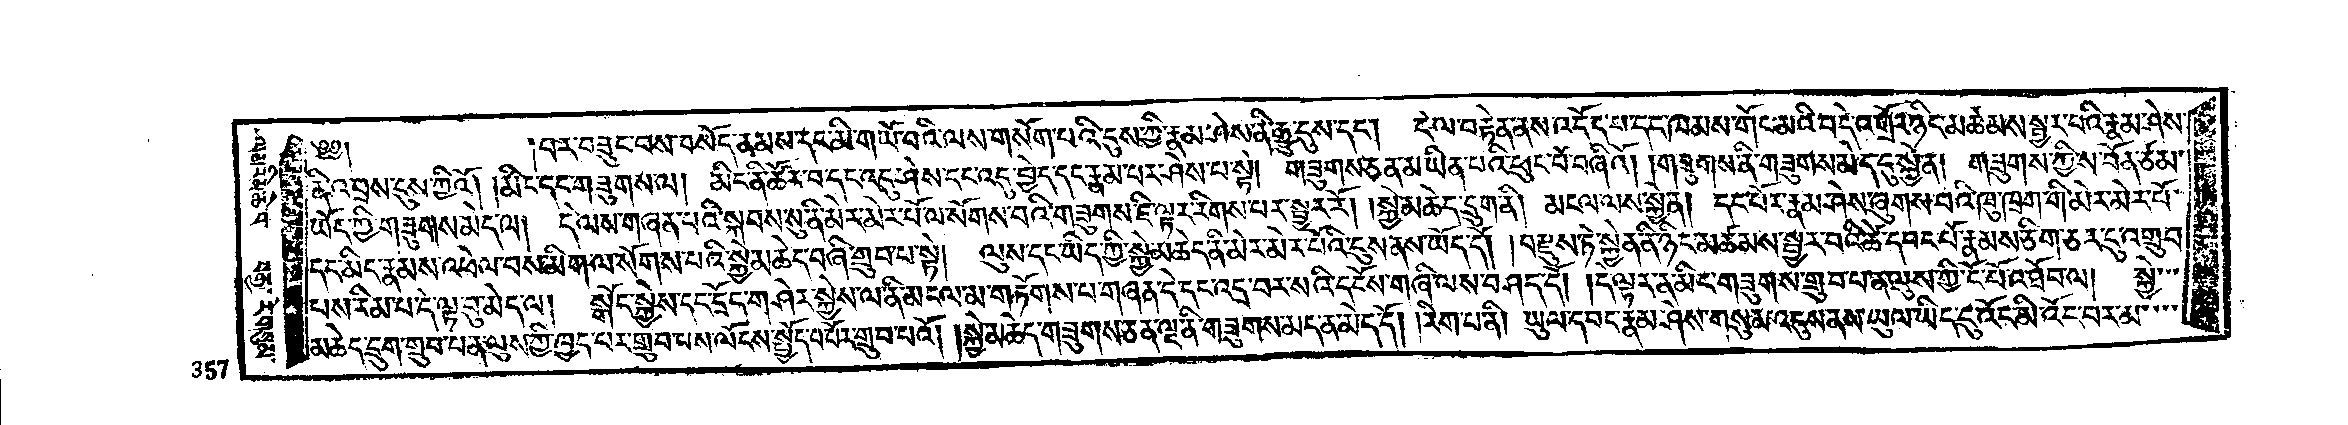༄༅། །བར་བཟུང་བས་བསོད་ནམས་དང་མི་གཡོ་བའི་ལས་གསོག་པའི་དུས་ཀྱི་རྣམ་ཤེས་ནི་རྒྱུ་དུས་དང་། དེ་ལ་བརྟེན་ནས་འདོད་པ་དང་ཁམས་གོང་མའི་བདེ་འགྲོར་ཉིང་མཚམས་སྦྱར་བའི་རྣམ་ཤེས་
ནི་འབྲས་དུས་ཀྱིའོ། །མིང་དང་གཟུགས་ལ། མིང་ནི་ཚོར་བ་དང་འདུ་ཤེས་དང་འདུ་བྱེད་དང་རྣམ་པར་ཤེས་པ་སྟེ། གཟུགས་ཅན་མ་ཡིན་པའི་ཕུང་པོ་བཞིའོ། །གཟུགས་ནི་གཟུགས་མེད་དུ་སྐྱེ་ན། གཟུགས་ཀྱི་ས་བོན་ཙམ་
ཡོད་ཀྱི་གཟུགས་མེད་ལ། དེ་ལས་གཞན་པའི་སྐབས་སུ་ནི་མེར་མེར་པོ་ལ་སོགས་པའི་གཟུགས་ཇི་ལྟར་རིགས་པར་སྦྱར་རོ། །སྐྱེ་མཆེད་དྲུག་ནི། མངལ་ལས་སྐྱེ་ན། དང་པོར་རྣམ་ཤེས་ཞུགས་པའི་ཁུ་ཁྲག་གི་མེར་མེར་པོ་
དང་མིང་རྣམས་འཕེལ་བས་མིག་ལ་སོགས་པའི་སྐྱེ་མཆེད་བཞི་གྲུབ་པ་སྟེ། ལུས་དང་ཡིད་ཀྱི་སྐྱེ་མཆེད་ནི་མེར་མེར་པོའི་དུས་ནས་ཡོད་དོ། །བརྫུས་ཏེ་སྐྱེན་ནི་ཉིང་མཚམས་སྦྱར་བའི་ཚེ་དབང་པོ་རྣམས་ཅིག་ཅར་དུ་འགྲུབ་
པས་རིམ་པ་དེ་ལྟ་བུ་མེད་ལ། སྒོང་སྐྱེས་དང་དྲོད་གཤེར་སྐྱེས་ལ་ནི་མངལ་མ་གཏོགས་པ་གཞན་དེ་དང་འདྲ་བར་སའི་དངོས་གཞི་ལས་བཤད་དོ། །དེ་ལྟར་ན་མིང་གཟུགས་གྲུབ་པ་ན་ལུས་ཀྱི་ངོ་བོ་འཐོབ་ལ། སྐྱེ་
མཆེད་དྲུག་གྲུབ་པ་ན་ལུས་ཀྱི་ཁྱད་པར་གྲུབ་པས་ལོངས་སྤྱོད་པ་པོར་གྲུབ་པའོ། །སྐྱེ་མཆེད་གཟུགས་ཅན་ལྔ་ནི་གཟུགས་མེད་ན་མེད་དོ། །རེག་པ་ནི། ཡུལ་དབང་རྣམ་ཤེས་གསུམ་འདུས་ནས་ཡུལ་ཡིད་དུ་འོང་མི་འོང་བར་མ་